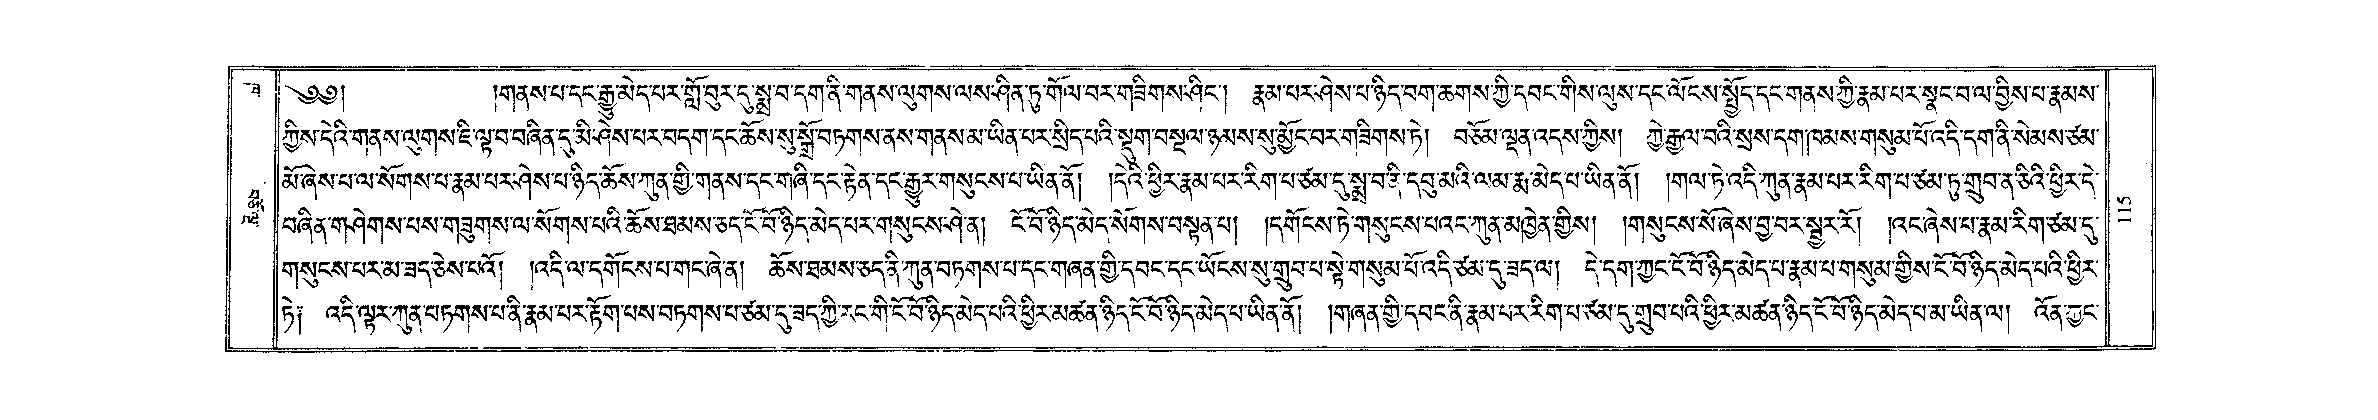༄༅། །གནས་པ་དང་རྒྱུ་མེད་པར་གློ་བུར་དུ་སྨྲ་བ་དག་ནི་གནས་ལུགས་ལས་ཤིན་ཏུ་གོལ་བར་གཟིགས་ཤིང་། རྣམ་པར་ཤེས་པ་ཉིད་བག་ཆགས་ཀྱི་དབང་གིས་ལུས་དང་ལོངས་སྤྱོད་དང་གནས་ཀྱི་རྣམ་པར་སྣང་བ་ལ་བྱིས་པ་རྣམས་
ཀྱིས་དེའི་གནས་ལུགས་ཇི་ལྟ་བ་བཞིན་དུ་མི་ཤེས་པར་བདག་དང་ཆོས་སུ་སྒྲོ་བཏགས་ནས་གནས་མ་ཡིན་པར་སྲིད་པའི་སྡུག་བསྔལ་ཉམས་སུ་མྱོང་བར་གཟིགས་ཏེ། བཅོམ་ལྡན་འདས་ཀྱིས། ཀྱེ་རྒྱལ་བའི་སྲས་དག་ཁམས་གསུམ་པོ་འདི་དག་ནི་སེམས་ཙམ་
མོ་ཞེས་པ་ལ་སོགས་པ་རྣམ་པར་ཤེས་པ་ཉིད་ཆོས་ཀུན་གྱི་གནས་དང་གཞི་དང་རྟེན་དང་རྒྱུར་གསུངས་པ་ཡིན་ནོ། །དེའི་ཕྱིར་རྣམ་པར་རིག་པ་ཙམ་དུ་སྨྲ་བ་ནི་དབུ་མའི་ལམ་རྨ་མེད་པ་ཡིན་ནོ། །གལ་ཏེ་འདི་ཀུན་རྣམ་པར་རིག་པ་ཙམ་ཏུ་གྲུབ་ན་ཅིའི་ཕྱིར་དེ་
བཞིན་གཤེགས་པས་གཟུགས་ལ་སོགས་པའི་ཆོས་ཐམས་ཅད་ངོ་བོ་ཉིད་མེད་པར་གསུངས་ཤེ་ན། ངོ་བོ་ཉིད་མེད་སོགས་བསྟན་པ། །དགོངས་ཏེ་གསུངས་པའང་ཀུན་མཁྱེན་གྱིས། །གསུངས་སོ་ཞེས་བྱ་བར་སྦྱར་རོ། །འང་ཞེས་པ་རྣམ་རིག་ཙམ་དུ་
གསུངས་པར་མ་ཟད་ཅེས་པའོ། །འདི་ལ་དགོངས་པ་གང་ཞེ་ན། ཆོས་ཐམས་ཅད་ནི་ཀུན་བཏགས་པ་དང་གཞན་གྱི་དབང་དང་ཡོངས་སུ་གྲུབ་པ་སྟེ་གསུམ་པོ་འདི་ཙམ་དུ་ཟད་ལ། དེ་དག་ཀྱང་ངོ་བོ་ཉིད་མེད་པ་རྣམ་པ་གསུམ་གྱིས་ངོ་བོ་ཉིད་མེད་པའི་ཕྱིར་
ཏེ༑ འདི་ལྟར་ཀུན་བཏགས་པ་ནི་རྣམ་པར་རྟོག་པས་བཏགས་པ་ཙམ་དུ་ཟད་ཀྱི་རང་གི་ངོ་བོ་ཉིད་མེད་པའི་ཕྱིར་མཚན་ཉིད་ངོ་བོ་ཉིད་མེད་པ་ཡིན་ནོ། །གཞན་གྱི་དབང་ནི་རྣམ་པར་རིག་པ་ཙམ་དུ་གྲུབ་པའི་ཕྱིར་མཚན་ཉིད་ངོ་བོ་ཉིད་མེད་པ་མ་ཡིན་ལ། འོན་ཀྱང་